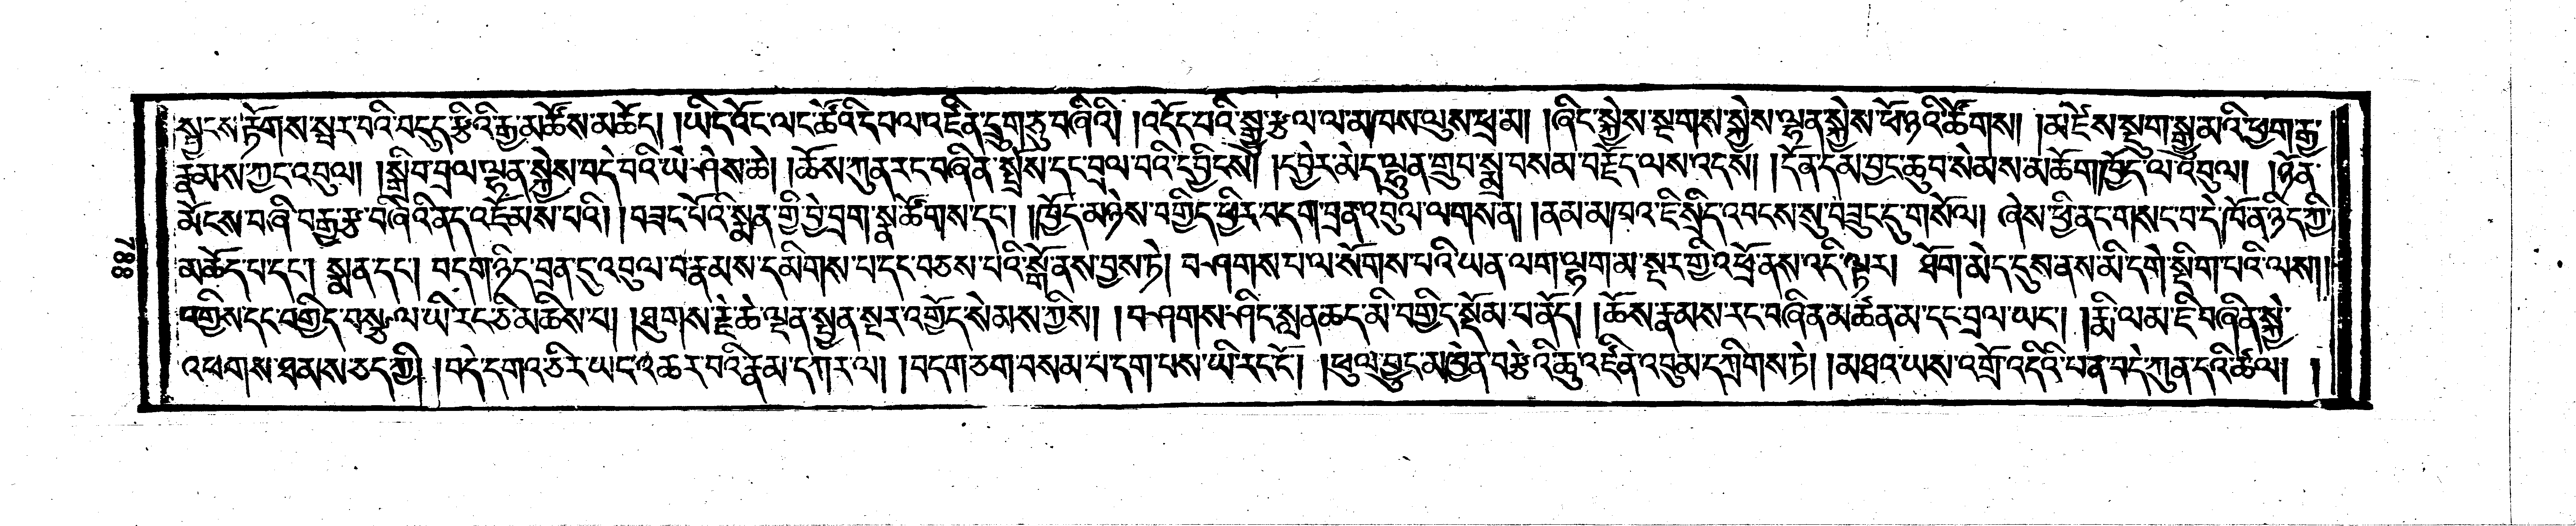སྦྱངས་རྟོགས་སྦར་བའི་བདུད་རྩིའི་རྒྱ་མཚོས་མཆོད། །ཡིད་འོང་ལང་ཚོའི་དཔལ་འཛིན་དྲུག་ཅུ་བཞིའི། །འདོད་པའི་སྒྱུ་རྩལ་ལ་མཁས་ལུས་ཕྲ་མ། །ཞིང་སྐྱེས་སྔགས་སྐྱེས་ལྷན་སྐྱེས་ཕོ་ཉའི་ཚོགས། །མཛེས་སྡུག་སྒྱུ་མའི་ཕྱག་རྒྱ་
རྣམས་ཀྱང་འབུལ། །སྒྲིབ་བྲལ་ལྷན་སྐྱེས་བདེ་བའི་ཡེ་ཤེས་ཆེ། །ཆོས་ཀུན་རང་བཞིན་སྤྲོས་དང་བྲལ་བའི་དབྱིངས། །དབྱེར་མེད་ལྷུན་གྲུབ་སྨྲ་བསམ་བརྗོད་ལས་འདས། །དོན་དམ་བྱང་ཆུབ་སེམས་མཆོག་ཁྱོད་ལ་འབུལ། །ཉོན་
མོངས་བཞི་བརྒྱ་རྩ་བཞིའི་ནད་འཇོམས་པའི། །བཟང་པོའི་སྨན་གྱི་བྱེ་བྲག་སྣ་ཚོགས་དང་། །ཁྱོད་མཉེས་བགྱིད་ཕྱིར་བདག་བྲན་འབུལ་ལགས་ན། །ནམ་མཁའ་ཇི་སྲིད་འབངས་སུ་བཟུང་དུ་གསོལ། ཞེས་ཕྱི་ནང་གསང་བ་དེ་ཁོ་ན་ཉིད་ཀྱི་
མཆོད་པ་དང་། སྨན་དང་། བདག་ཉིད་བྲན་དུ་འབུལ་བ་རྣམས་དམིགས་པ་དང་བཅས་པའི་སྒོ་ནས་བྱས་ཏེ། བཤགས་པ་ལ་སོགས་པའི་ཡན་ལག་ལྷག་མ་སྔར་གྱི་འཕྲོ་ནས་འདི་ལྟར། ཐོག་མེད་དུས་ནས་མི་དགེ་སྡིག་པའི་ལས།།
བགྱིས་དང་བགྱིད་སྩལ་ཡི་རང་ཅི་མཆིས་པ། །ཐུགས་རྗེ་ཆེ་ལྡན་སྔར་འགྱོད་སེམས་ཀྱིས། །བཤགས་ཤིང་སླན་ཆད་མི་བགྱིད་སྡོམ་པ་ནོད། །ཆོས་རྣམས་རང་བཞིན་མཚན་མ་དང་བྲལ་ཡང་། །རྨི་ལམ་ཇི་བཞིན་སྐྱེ་
འཕགས་ཐམས་ཅད་ཀྱི། །བདེ་དགའ་ཅིར་ཡང་འཆར་བའི་རྣམ་དཀར་ལ། །བདག་ཅག་བསམ་པ་དག་པས་ཡི་རང་ངོ། །ཕུལ་བྱུང་མཁྱེན་བརྩེའི་ཆུ་འཛིན་འབུམ་དཀྲིགས་ཏེ། །མཐའ་ཡས་འགྲོ་འདིའི་ཕན་བདེ་ཀུན་དའི་ཚལ། །